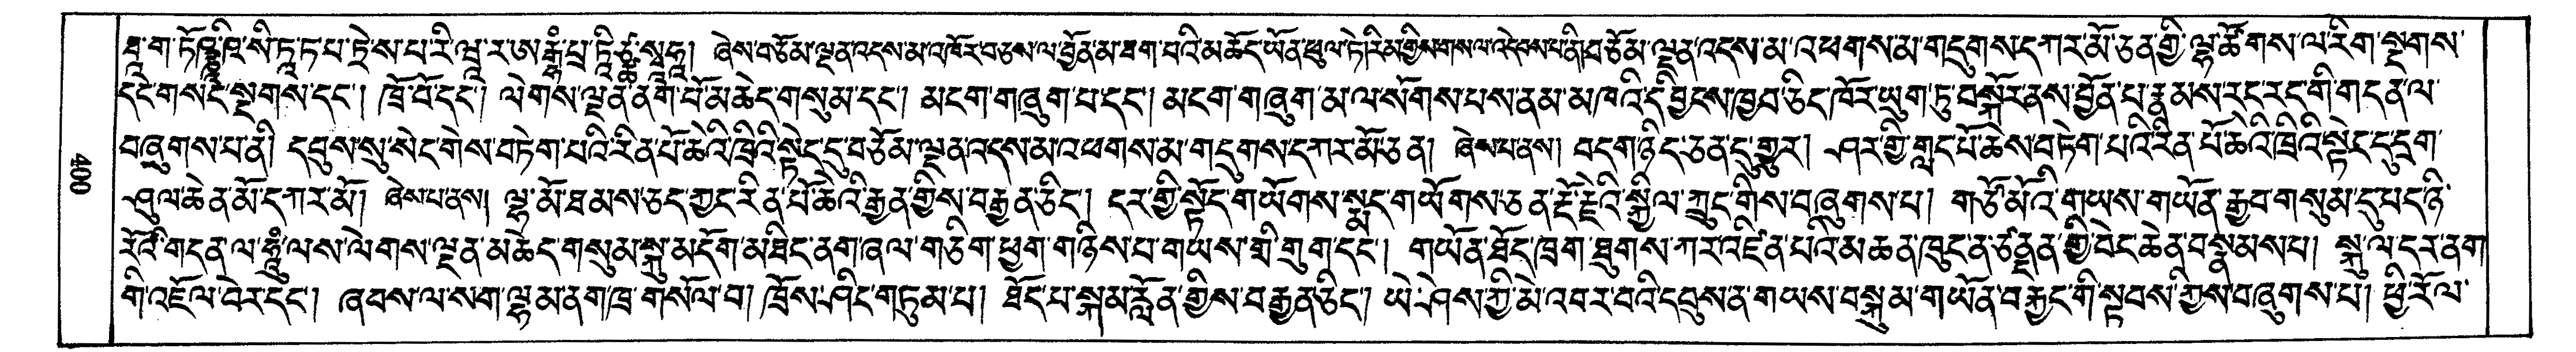ཐཱ་ག་ཏོ་ཥྞཱ་ཥི་སི་ཏཱ་ཏ་པ་ཏྲེ་ས་པ་རི་ཝཱ་ར་ཨརྒྷཾ་པྲ་ཏཱི་ཙྪ་སྭཱཧཱ། ཞེས་བཅོམ་ལྡན་འདས་མ་འཁོར་བཅས་ལ་བྱོན་མ་ཐག་པའི་མཆོད་ཡོན་ཕུལ་ཏེ། རིམ་གྱིས་གསལ་འདེབས་པ་ནི། བཅོམ་ལྡན་འདས་མ་འཕགས་མ་གདུགས་དཀར་མོ་ཅན་གྱི་ལྷ་ཚོགས་ལ་རིག་སྔགས་
དང་གསང་སྔགས་དང་། ཁྲོ་བོ་དང་། ལེགས་ལྡན་ནག་པོ་མཆེད་གསུམ་དང་། མངག་གཞུག་པ་དང་། མངག་གཞུག་མ་ལ་སོགས་པས་ནམ་མཁའི་དབྱིངས་ཁྱབ་ཅིང་ཁོར་ཡུག་ཏུ་བསྐོར་ནས་བྱོན་པ་རྣམས་རང་རང་གི་གདན་ལ་
བཞུགས་པ་ནི། དབུས་སུ་སེང་གེས་བཏེག་པའི་རིན་པོ་ཆེའི་ཁྲིའི་སྟེང་དུ་བཅོམ་ལྡན་འདས་མ་འཕགས་མ་གདུགས་དཀར་མོ་ཅན། ཞེས་པ་ནས། བདག་ཉིད་ཅན་དུ་གྱུར། ཤར་གྱི་གླང་པོ་ཆེས་བཏེག་པའི་རིན་པོ་ཆེའི་ཁྲིའི་སྟེང་དུ་དྲག་
ཤུལ་ཆེན་མོ་དཀར་མོ། ཞེས་པ་ནས། ལྷ་མོ་ཐམས་ཅད་ཀྱང་རིན་པོ་ཆེའི་རྒྱན་གྱིས་བརྒྱན་ཅིང་། དར་གྱི་སྟོང་གཡོགས་སྨད་གཡོགས་ཅན་རྡོ་རྗེའི་སྐྱིལ་ཀྲུང་གིས་བཞུགས་པ། གཙོ་མོའི་གཡས་གཡོན་རྒྱབ་གསུམ་དུ་པད་ཉི་
རོའི་གདན་ལ་ཧཱུཾ་ལས་ལེགས་ལྡན་མཆེད་གསུམ་སྐུ་མདོག་མཐིང་ནག་ཞལ་གཅིག་ཕྱག་གཉིས་པ་གཡས་གྲི་གུག་དང་། གཡོན་ཐོད་ཁྲག་ཐུགས་ཀར་འཛིན་པའི་མཆན་ཁུང་ན་ཙནྡན་གྱི་བེང་ཆེན་བསྣམས་པ། སྐུ་ལ་ངར་ནག་
གི་འཇོལ་བར་དང་། ཞབས་ལ་སག་ལྷམ་ནག་ཁྲ་གསོལ་བ། ཁྲོས་ཤིང་གཏུམ་པ། ཐོད་པ་སྐམ་རློན་གྱིས་བརྒྱན་ཅིང་། ཡེ་ཤེས་ཀྱི་མེ་འབར་བའི་དབུས་ན་གཡས་བསྐུམ་གཡོན་བརྐྱང་གི་སྟབས་ཀྱིས་བཞུགས་པ། ཕྱི་རོལ་